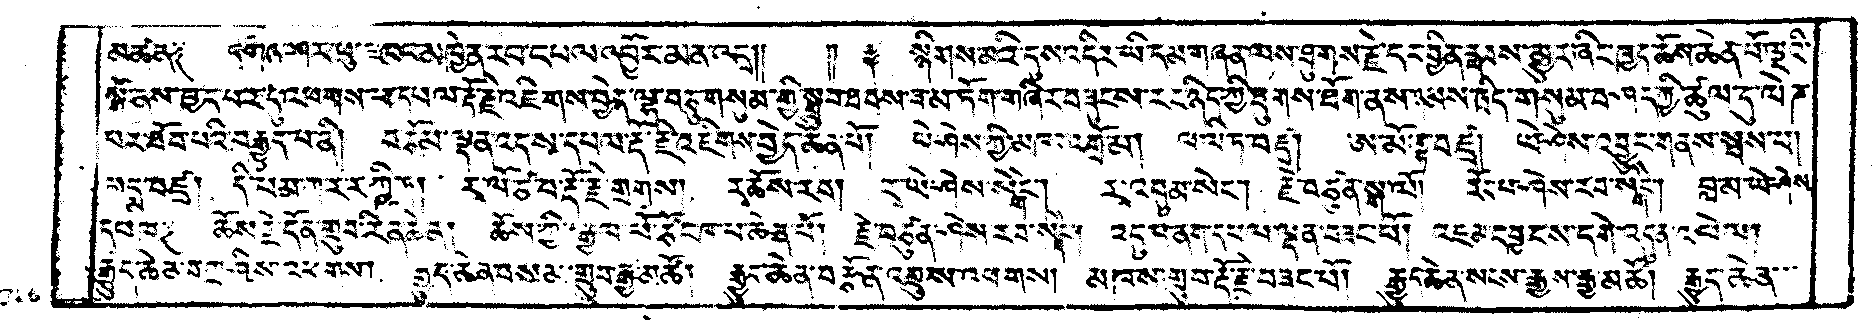མཚན༑ དགའ་ཤར་ཕུ་ཁང་མཁྱེན་རབ་དཔལ་འབྱོར་མན་འདྲ།། །། ༈ སྙིགས་མའི་དུས་འདིར་ཡི་དམ་གཞན་ལས་ཐུགས་རྗེ་དང་བྱིན་རླབས་མྱུར་ཞིང་ཁྱད་ཆོས་ཆེན་པོ་ལྔའི་
སྒོ་ནས་ཁྱད་པར་དུ་འཕགས་པ་དཔལ་རྡོ་རྗེ་འཇིགས་བྱེད་ལྷ་བཅུ་གསུམ་གྱི་སྒྲུབ་ཐབས་ཟ་མ་ཏོག་གཞིར་བཟུངས་རང་ཉིད་ཀྱི་ཐུགས་ཐོག་ནས་ཉམས་ཁྲིད་གསུམ་བཤད་ཀྱི་ཚུལ་དུ་ལེགས་
པར་ཐོབ་པའི་བརྒྱུད་པ་ནི། བཅོམ་ལྡན་འདས་དཔལ་རྡོ་རྗེ་འཇིགས་བྱེད་ཆེན་པོ། ཡེ་ཤེས་ཀྱི་མཁའ་འགྲོ་མ། ལ་ལི་ཏ་བཛྲ། ཨ་མོ་བྷ་བཛྲ། ཡེ་ཤེས་འབྱུང་གནས་སྦས་པ།
པདམ་བཛྲ། དི་པམ་ཀ་ར་རཀྵི་ཏ། རྭ་ལོ་ཙ་བ་རྡོ་རྗེ་གྲགས། རྭ་ཆོས་རབ། རྭ་ཡེ་ཤེས་སེངྒེ། རྭ་འབུམ་སེང་། རྗེ་བཙུན་སྒ་ལོ། རོང་པ་ཤེས་རབ་སེངྒེ། བླ་མ་ཡེ་ཤེས་
དཔལ༑ ཆོས་རྗེ་དོན་གྲུབ་རིན་ཆེན། ཆོས་ཀྱི་རྒྱལ་པོ་ཙོང་ཁ་པ་ཆེན་པོ། རྗེ་བཙུན་ཤེས་རབ་སེངྒེ། འདུལ་ནག་དཔལ་ལྡན་བཟང་པོ། འཇམ་དབྱངས་དགེ་འདུན་འཕེལ།
རྒྱུད་ཆེན་བཀྲ་ཤིས་འཕགས། རྒྱུད་ཆེན་བསམ་གྲུབ་རྒྱ་མཚོ། རྒྱུད་ཆེན་བརྩོན་འགྲུས་འཕགས། མཁས་གྲུབ་རྡོ་རྗེ་བཟང་པོ། རྒྱུད་ཆེན་སངས་རྒྱས་རྒྱ་མཚོ། རྒྱུད་ཆེན་